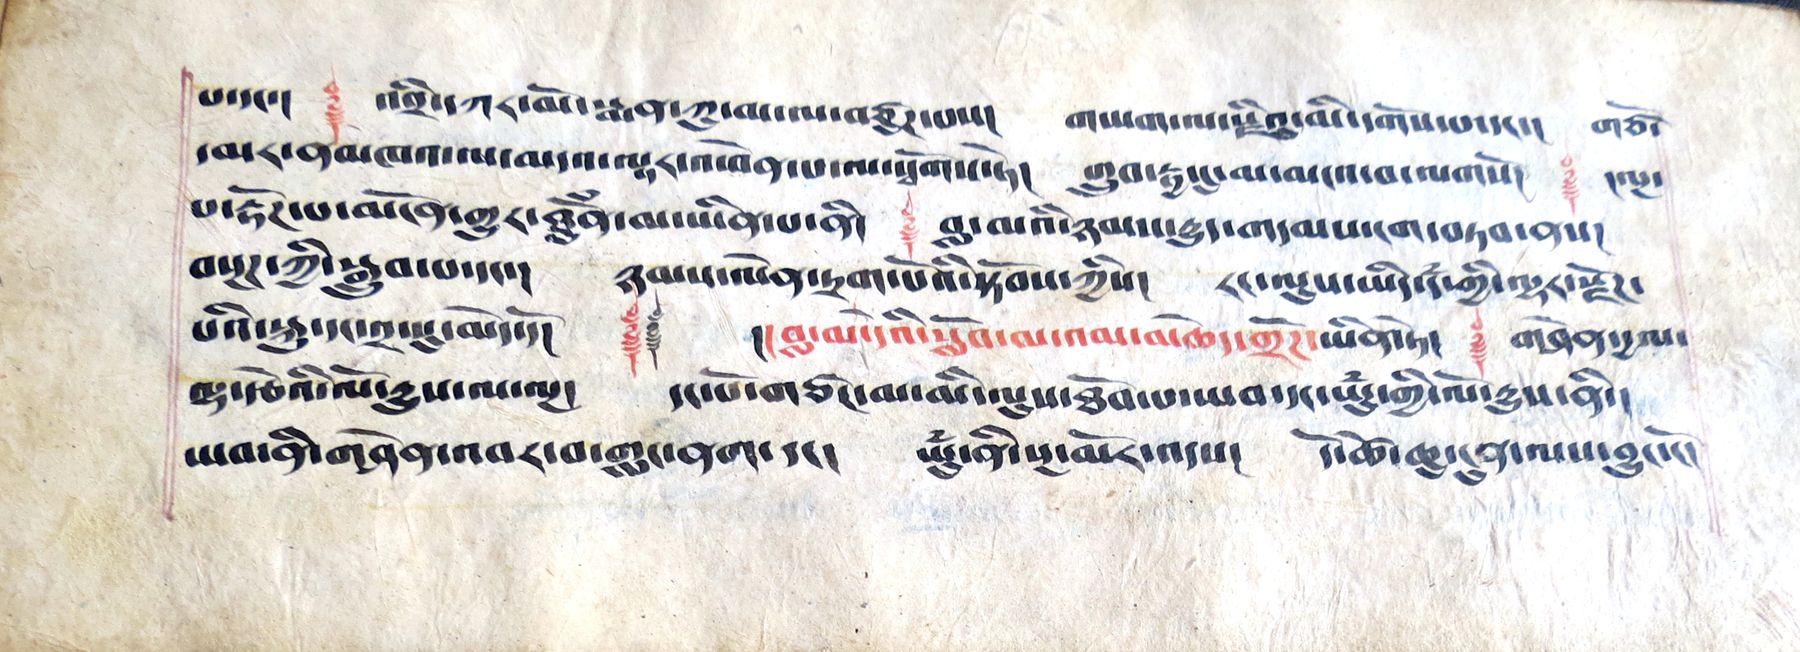པ་དང་། འབྲི་དཀར་མོ་སྨན་ཀུ་མ་ལ་བཙུག་པས། གཡག་ལ་རྫི་བོ་མི་དགོས་པ་དང་། གཙོ་
དམར་ནམ་མཁའ་ལ་མདའ་ལྟར་འཕེན་པ་ལས་སོགས་ཏེ། གྲུབ་རྟགས་དུ་མ་མངའ་བ་ལགས་སོ། ། ལྔ་
པ་རྟོགས་པ་མངོན་གྱུར་ཐུན་མོང་མ་ཡིན་པ་ནི། བླ་མས་ཉམས་རྒྱུད་གདམས་ངག་བཏབ་ནས། 
སྔགས་ཀྱི་སྒྲུབ་པ་དང་ཉམས་ལེན་དྲག་པོའི་སྟོབས་ཀྱིས། རང་ལུས་ཡི་དམ་གྱི་ལྷར་རྫོགས་
པའི་སྐུ་དང་གཉིས་སུ་མེད་དོ། ། བླ་མ་དེ་ཡི་སློབ་མའམ་མཆེད་གྲོགས་ཡིན་ཏེ། གཤེན་རྒྱལ་
ལྷ་རྩེའི་ལོ་རྒྱུས་ལ་ལྔ། དང་པོ་གཙང་མ་མི་ལུས་ཐོབ་པ་ཡབ་དང་ཡུམ་གྱི་ལོ་རྒྱུས་ནི། 
ཡབ་ནི་གཤེན་འབར་བ་གླང་ནག་དང་། ཡུམ་ནི་སྔ་མོར་འདས། དྭ་ཚེ་ཆུང་ངུན་ལས་བྱུང་ངོ། །